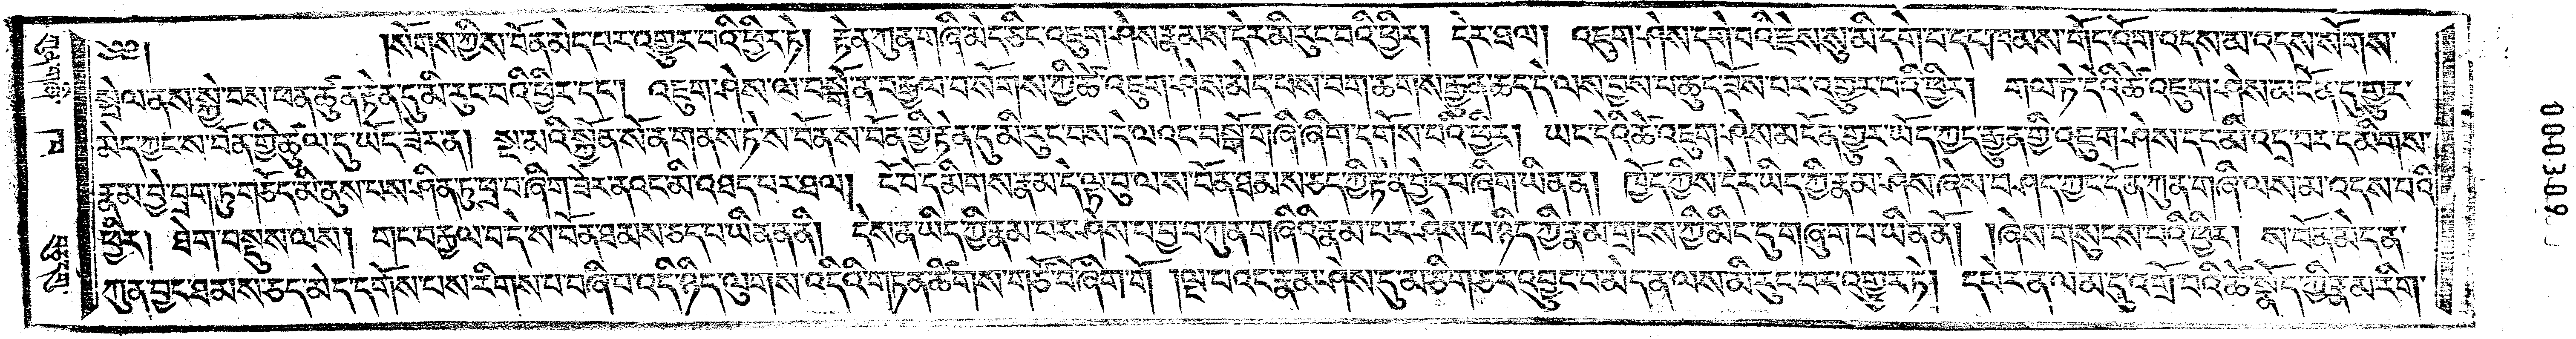༄༅། །སོགས་ཀྱི་ས་བོན་མེད་པར་འགྱུར་བའི་ཕྱིར་ཏེ། རྟེན་ཀུན་གཞི་མེད་ཅིང་འཇུག་ཤེས་རྣམས་དེར་མི་རུང་བའི་ཕྱིར། དེར་ཐལ། འཇུག་ཤེས་དགེ་བའི་རྗེས་སུ་མི་དགེ་བ་དང་ཁམས་གོང་འོག་འདས་མ་འདས་སོགས་
སྤེལ་ནས་སྐྱེ་བས་ཕན་ཚུན་རྟེན་དུ་མི་རུང་བའི་ཕྱིར་དང་། འཇུག་ཤེས་ལ་བསྒོ་ན་བརྒྱལ་བ་སོགས་ཀྱི་ཚེ་འཇུག་ཤེས་མེད་པས་བག་ཆགས་རྒྱུན་ཆད་དེ་ལས་བྱེད་པ་ཆུད་ཟོས་བར་འགྱུར་བའི་ཕྱིར། གལ་ཏེ་དེའི་ཚེ་འཇུག་ཤེས་མངོན་དུ་གྱུར་
མེད་ཀྱང་ས་བོན་གྱི་ཚུལ་དུ་ཡོད་ཟེར་ན། སྔ་མའི་སྐྱོན་སོན་གནས་ཏེ་ས་བོན་གྱི་རྟེན་དུ་མི་རུང་བས་དེ་ལའང་བསྒོ་གཞི་ཞིག་དགོས་པའི་ཕྱིར། ཡང་དེའི་ཚེ་འཇུག་ཤེས་མངོན་གྱུར་ཡོད་ཀྱང་རྒྱུན་གྱི་འཇུག་ཤེས་དང་མི་འདྲ་བར་དམིགས་
རྣམ་བྱེ་བྲག་ཏུ་གཅོད་མི་ནུས་པས་ཤིན་ཏུ་ཕྲ་བ་ཞིག་ཟེར་ནའང་མི་འཐད་པར་ཐལ། ངོ་བོ་དམིགས་རྣམ་དེ་ལྟ་བུ་ལ་ས་བོན་ཐམས་ཅད་ཀྱི་རྟེན་པ་བྱེད་པ་ཞིག་ཡིན་ན། ཁྱོད་ཀྱིས་དེར་ཡིད་ཀྱི་རྣམ་ཤེས་ཞེས་བཤད་ཀྱང་དོན་ཀུན་གཞི་ལས་མ་འདས་པའི་
ཕྱིར། ཐེག་བསྡུས་ལས། གང་བརྒྱལ་བ་དེ་ས་བོན་ཐམས་ཅད་པ་ཡིན་ན་ནི། དེས་ན་ཡིད་ཀྱི་རྣམ་པར་ཤེས་པ་བྱ་བ་ཀུན་གཞིའི་རྣམ་པར་ཤེས་པ་ཉིད་ཀྱི་རྣམ་གྲངས་ཀྱི་མིང་དུ་གཞུག་པ་ཡིན་ནོ། །ཞེས་གསུངས་པའི་ཕྱིར། ས་བོན་མེད་ན་
ཀུན་བྱང་ཆུབ་ཐམས་ཅད་མེད་དགོས་པས་རིགས་པ་བཞི་པ་འདི་ཉིད་ལུགས་འདིའི་གཏན་ཚིགས་གཙོ་བོ་ཞིག་གོ །ལྔ་པའང་རྣམ་ཤེས་དུ་མ་ཅིག་ཅར་འབྱུང་བ་མེད་ན་ལས་མི་རུང་བར་འགྱུར་ཏེ། དཔེར་ན་ལམ་དུ་འགྲོ་བའི་ཚེ་སྣོད་ཀྱི་རྣམ་རིག་